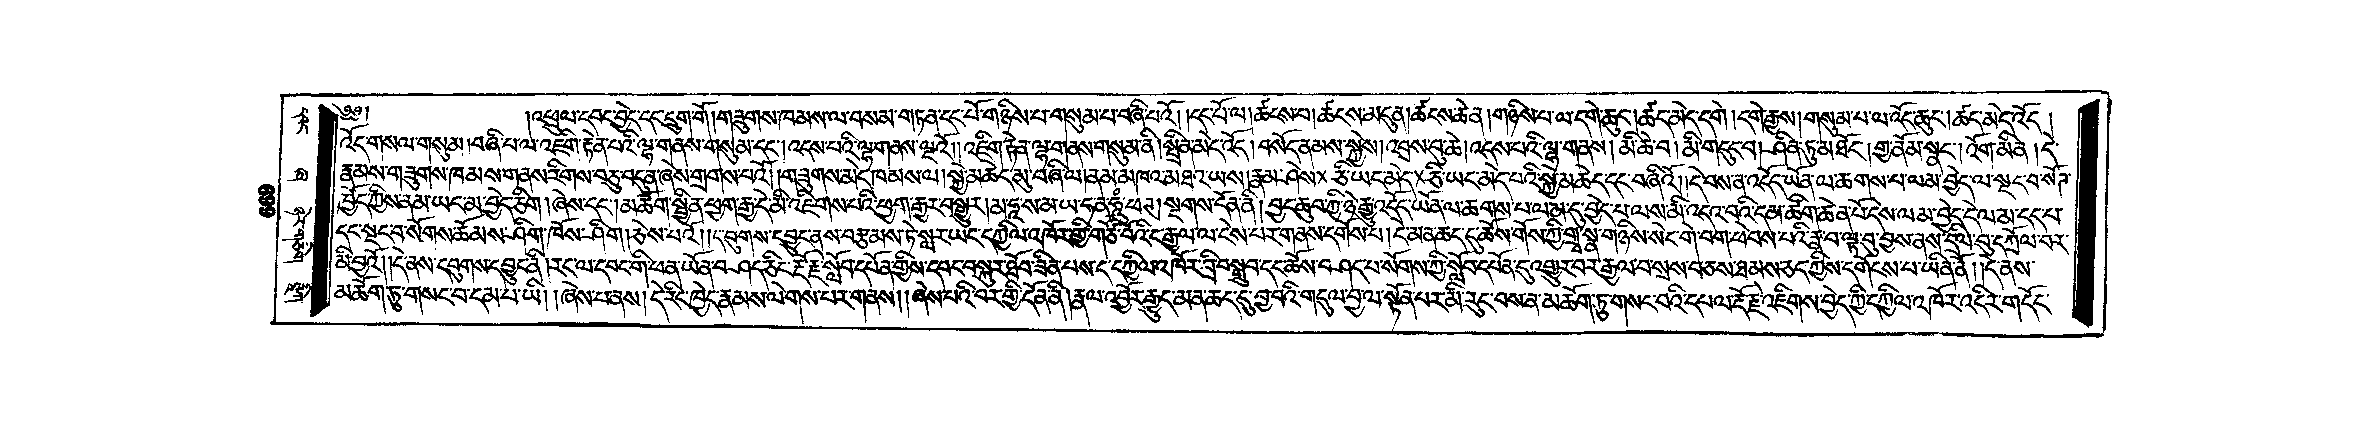༄༅། །འཕྲུལ་དབང་བྱེད་དང་དྲུག་གོ །གཟུགས་ཁམས་ལ་བསམ་གཏན་དང་པོ་གཉིས་པ་གསུམ་པ་བཞི་པའོ། །དང་པོ་ལ། ཚངས་པ། ཚངས་མདུན། ཚངས་ཆེན། གཉིས་པ་ལ་དགེ་ཆུང་། ཚད་མེད་དགེ། དགེ་རྒྱས། གསུམ་པ་ལ་འོད་ཆུང་། ཚད་མེད་འོད།
འོད་གསལ་གསུམ། བཞི་པ་ལ་འཇིག་རྟེན་པའི་ལྷ་གནས་གསུམ་དང་། འདས་པའི་ལྷ་གནས་ལྔའོ། །འཇིག་རྟེན་ལྷ་གནས་གསུམ་ནི། སྤྲིན་མེད་འོད། བསོད་ནམས་སྐྱེས། འབྲས་བུ་ཆེ། འདས་པའི་ལྷ་གནས། མི་ཆེ་བ། མི་གདུང་བ། ཤིན་ཏུ་མཐོང་། གྱ་ནོམ་སྣང་། འོག་མིན། དེ་
རྣམས་གཟུགས་ཁམས་གནས་རིགས་བཅུ་བདུན་ཞེས་གྲགས་པའོ། །གཟུགས་མེད་ཁམས་ལ། སྐྱེ་མཆེད་མུ་བཞི་ལ། ནམ་མཁའ་མཐའ་ཡས། རྣམ་ཤེས་྾་ཅི་ཡང་མེད་྾་ཅི་ཡང་མེད་པའི་སྐྱེ་མཆེད་དང་བཞིའོ། །དེ་བས་ན་འདོད་ཡོན་ལ་ཆགས་པ་ལམ་བྱེད་ལ་སྡང་བ་སོགས་
ཁྱོད་ཀྱིས་ནམ་ཡང་མ་བྱེད་ཅིག །ཞེས་དང་། མཆོག་སྦྱིན་ཕྱག་རྒྱ་དེ་མི་འཇིགས་པའི་ཕྱག་རྒྱར་བསྒྱུར། མ་ཧཱ་ས་མ་ཡ་ཧ་ན་ཧཱུཾ་ཕགས། སྔགས་དོན་ནི། བྱང་ཆུབ་ཀྱི་ཉེ་རྒྱུ་འདོད་ཡོན་ལ་ཆགས་པ་ལམ་དུ་བྱེད་པ་ལས་མི་འདའ་བའི་དམ་ཚིག་ཆེན་པོ་དེས་ལམ་བྱེད་དེ་ལ་མ་དད་པ་
དང་སྡང་བ་སོགས་ཆོམས་ཤིག་ཁོས་ཤིག །ཅེས་པའོ། །དབུགས་དབྱུང་ནས་བརྩམས་ཏེ་སླར་ཡང་དཀྱིལ་འཁོར་གྱི་གཙོ་བོའི་ང་རྒྱལ་ལ་ངེས་པར་གནས་དགོས་པ། དེ་མན་ཆད་དུ་ཆོས་གོས་ཀྱི་གྲྭ་སྣ་གཉིས་སེང་གེ་བག་ཕེབས་པའི་རྣ་བ་ལྟ་བུ་བྱས་ནས་དྲིལ་བུ་དཀྲོལ་བར་
མི་བྱའོ། །དེ་ནས་དབུགས་དབྱུང་ནི། རང་ལ་དབང་གི་ཕན་ཡོན་བཤད་ཅིང་རྡོ་རྗེ་སློབ་དཔོན་གྱིས་དབང་བསྐུར་ཐོབ་ཟིན་པས་ད་དཀྱིལ་འཁོར་བྲི་བསྒྲུབ་དང་ཆོས་བཤད་པ་སོགས་ཀྱི་སློབ་དཔོན་དུ་འགྱུར་བར་རྒྱལ་བ་སྲས་བཅས་ཐམས་ཅད་ཀྱིས་དགོངས་པ་ཡིན་ནོ། །དེ་ནས་
མཆོག་ཏུ་གསང་བ་དམ་པ་ཡི། །ཞེས་པ་ནས། དེ་རིང་ཁྱེད་རྣམས་ལེགས་པར་གནས། །ཞེས་པའི་བར་གྱི་དོན་ནི། རྣལ་འབྱོར་རྒྱུད་མན་ཆད་དུ་བྱ་བའི་གདུལ་བྱ་ལ་སྟོན་པར་མི་རུང་བས་ན་མཆོག་ཏུ་གསང་བའི་དཔལ་རྡོ་རྗེ་འཇིགས་བྱེད་ཀྱི་དཀྱིལ་འཁོར་འདིར་གདོང་